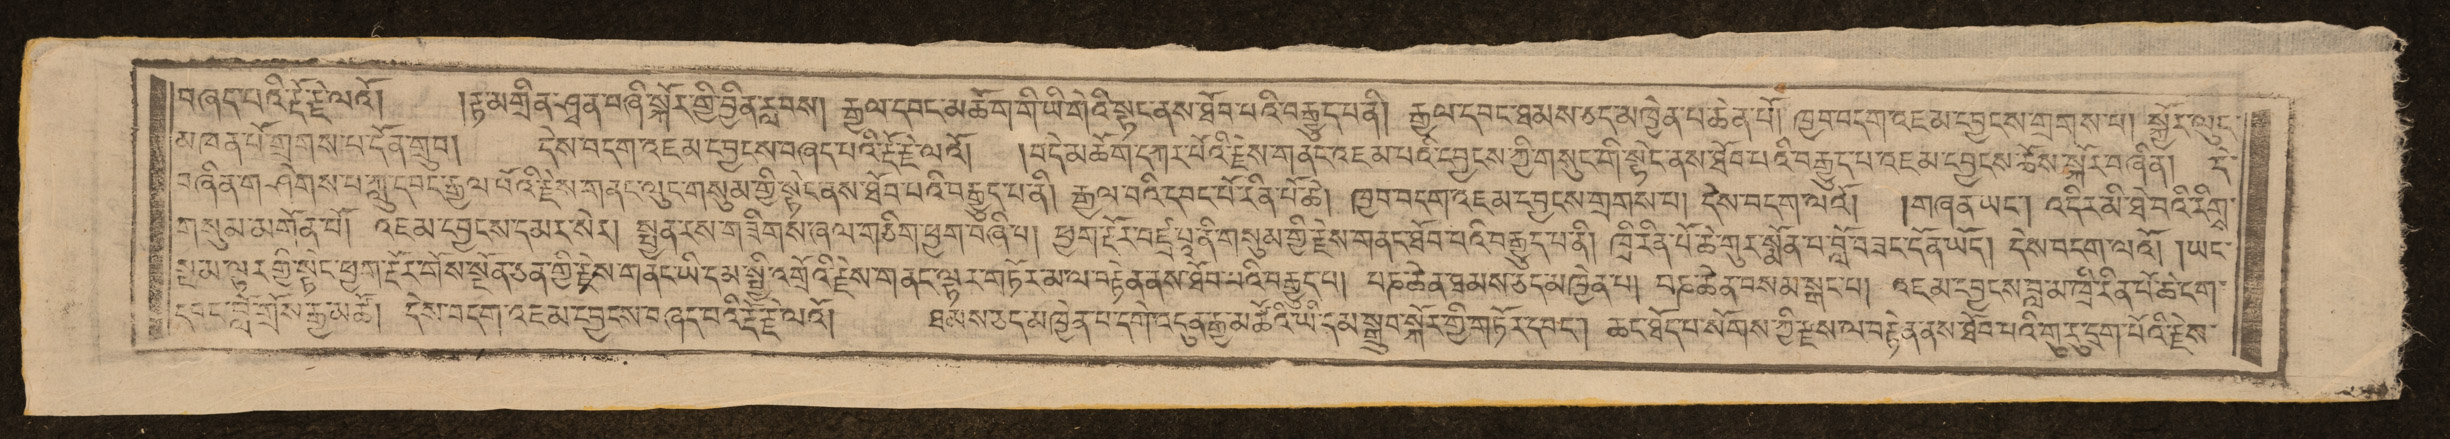བཞད་པའི་རྡོ་རྗེ་ལའོ། །རྟ་མགྲིན་ཤྭ་ན་བཞི་སྐོར་གྱི་བྱིན་རླབས། རྒྱལ་དབང་མཆོག་གི་ཡི་གེའི་སྟང་ནས་ཐོབ་པའི་བརྒྱུད་པ་ནི། རྒྱལ་དབང་ཐམས་ཅད་མཁྱེན་པ་ཆེན་པོ། ཁྱབ་བདག་འཇམ་དབྱངས་གྲགས་པ། སྐྱོར་ལུང་
མཁན་པོ་གྲགས་པ་དོན་གྲུབ། དེས་བདག་འཇམ་དབྱངས་བཞད་པའི་རྡོ་རྗེ་ལའོ། །བདེ་མཆོག་དཀར་པོའི་རྗེས་གནང་འཇམ་པའི་དབྱངས་ཀྱི་གསུང་གི་སྟེང་ནས་ཐོབ་པའི་བརྒྱུད་པ་འཇམ་དབྱངས་ཆོས་སྐོར་བཞིན། དེ་
བཞིན་གཤེགས་པ་ཀླུ་དབང་རྒྱལ་པོའི་རྗེས་གནང་ལུང་གསུམ་གྱི་སྟེང་ནས་ཐོབ་པའི་བརྒྱུད་པ་ནི། རྒྱལ་བའི་དབང་པོ་རིན་པོ་ཆེ། ཁྱབ་བདག་འཇམ་དབྱངས་གྲགས་པ། དེས་བདག་ལའོ། །གཞན་ཡང་། འདིར་མི་ཐེ་བའི་རིགས་
གསུམ་མགོན་པོ། འཇམ་དབྱངས་དམར་སེར། སྤྱན་རས་གཟིགས་ཞལ་གཅིག་ཕྱག་བཞི་པ། ཕྱག་རྡོར་བྫྲ་པཱ་ནི་གསུམ་གྱི་རྗེས་གནང་ཐོབ་པའི་བརྒྱུད་པ་ནི། ཁྲི་རིན་པོ་ཆེ་གུར་སྨོན་པ་བློ་བཟང་དོན་ཡོད། དེས་བདག་ལའོ། །ཡང་
སྔ་མ་ལྟར་གྱི་སྟེང་ཕྱག་རྡོར་གོས་སྔོན་ཅན་གྱི་རྗེས་གནང་ཡི་དམ་སྤྱི་འགྲོའི་རྗེས་གནང་ལྟར་གཏོར་མ་ལ་བརྟེན་ནས་ཐོབ་པའི་བརྒྱུད་པ། པཎ་ཆེན་ཐམས་ཅད་མཁྱེན་པ། པཎ་ཆེན་བསམ་སྒང་པ། འཇམ་དབྱངས་བླ་མ་ཁྲི་རིན་པོ་ཆེ་ངག་
དབང་བློ་གྲོས་རྒྱ་མཚོ། དེས་བདག་འཇམ་དབྱངས་བཞད་པའི་རྡོ་རྗེ་ལའོ། ཐམས་ཅད་མཁྱེན་པ་དགེ་འདུན་རྒྱ་མཚོའི་ཡི་དམ་སྒྲུབ་སྐོར་གྱི་གཏོར་དབང་། ཆང་ཐོད་པ་སོགས་ཀྱི་རྫས་ལ་བརྟེན་ནས་ཐོབ་པའི་གུ་རུ་དྲག་པོའི་རྗེས་